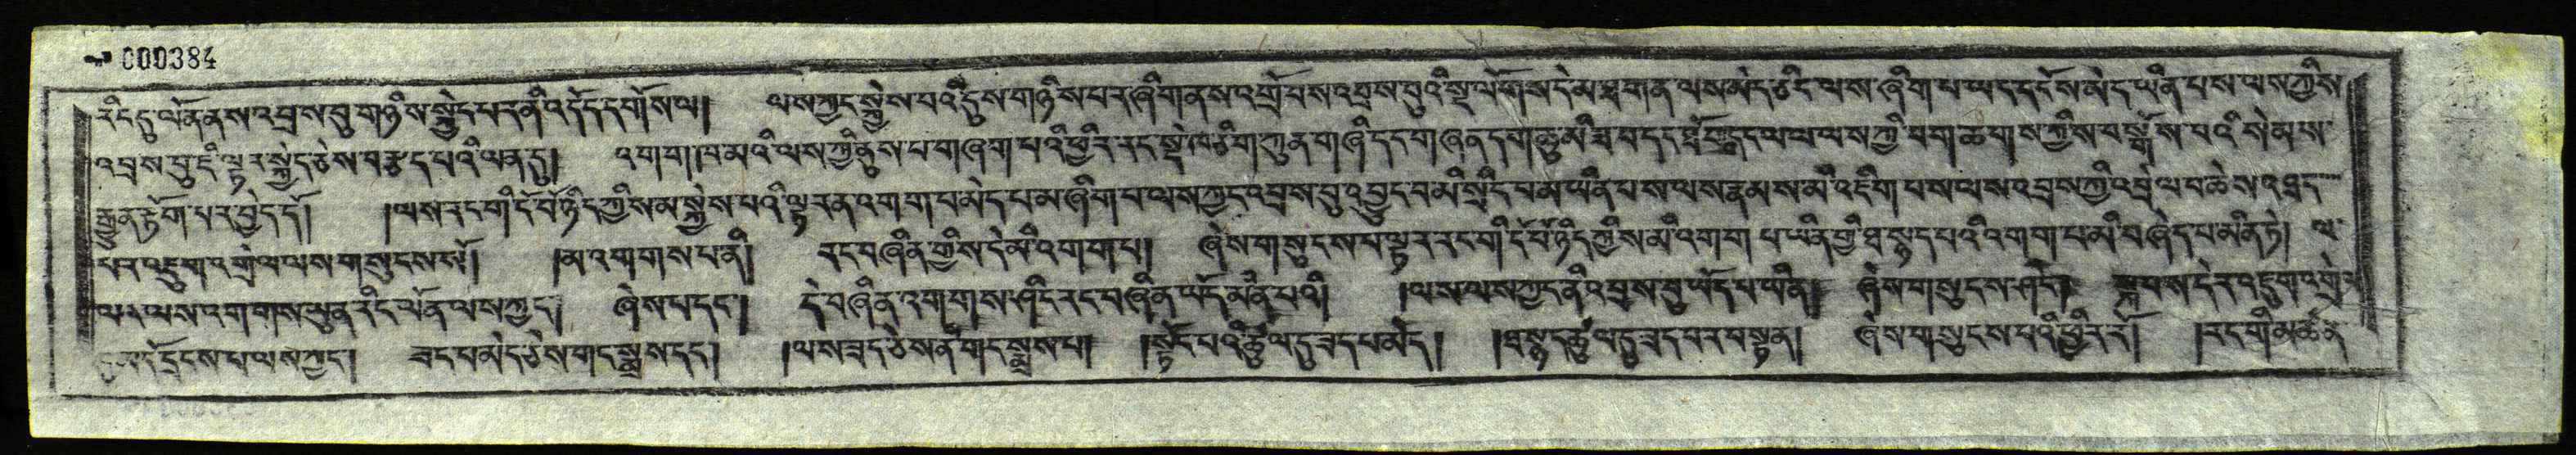རིང་དུ་ལོན་ནས་འབྲས་བུ་གཉིས་སྐྱེད་པར་ནི་འདོད་དགོས་ལ། ལས་ཀྱང་སྐྱེས་པའི་དུས་གཉིས་པར་ཞིག་ནས་འགྲོ་བས་འབྲས་བུའི་སྔ་ལོགས་དེ་མ་ཐག་ན་ལས་མེད་ཅིང་ལས་ཞིག་པ་ཡང་དངོས་མེད་ཡིན་པས་ལས་ཀྱིས་
འབྲས་བུ་ཇི་ལྟར་སྐྱེད་ཅེས་བརྩད་པའི་ལན་དུ། འགག་ཁ་མའི་ལས་ཀྱི་ནུས་པ་གཞག་པའི་ཕྱིར་རང་སྡེ་ཁ་ཅིག་ཀུན་གཞི་དང་གཞན་དག་ཆུ་མི་ཟ་བ་དང་ཐོབ་པ་དང་ལ་ལ་ལས་ཀྱི་བག་ཆགས་ཀྱིས་བསྒོས་པའི་སེམས་
རྒྱུན་རྟོག་པར་བྱེད་དོ། །ལས་རང་གི་ངོ་བོ་ཉིད་ཀྱིས་མ་སྐྱེས་པའི་ལྟར་ན་འགག་པ་མེད་པ་མ་ཞིག་པ་ལས་ཀྱང་འབྲས་བུ་འབྱུང་བ་མི་སྲིད་པ་མ་ཡིན་པས་ལས་རྣམས་མི་འཇིག་པས་ལས་འབྲས་ཀྱི་འབྲེལ་བ་ཆེས་འཐད་
པར་འཇུག་འགྲེལ་ལས་གསུངས་སོ། །མ་འགགས་པ་ནི། རང་བཞིན་གྱིས་དེ་མི་འགག་པ། ཞེས་གསུངས་པ་ལྟར་རང་གི་ངོ་བོ་ཉིད་ཀྱིས་མི་འགག་པ་ཡིན་གྱི་ཐ་སྙད་པའི་འགག་པ་མི་བཞེད་པ་མིན་ཏེ། ལ་
ལར་ལས་འགགས་ཡུན་རིང་ལོན་ལས་ཀྱང་། ཞེས་པ་དང་། དེ་བཞིན་འགགས་ཤིང་རང་བཞིན་ཡོད་མིན་པའི། །ལས་ལས་ཀྱང་ནི་འབྲས་བུ་ཡོད་པ་ཡིན། ཞེས་གསུངས་ཤིང་། སྐབས་དེར་འཇུག་འགྲེལ་
དུ་མདོ་དྲངས་པ་ལས་ཀྱང་། ཟད་པ་མེད་ཅེས་གང་སྨྲས་དང་། །ལས་ཟད་ཅེས་ནི་གང་སྨྲས་པ། །སྟོང་པའི་ཚུལ་དུ་ཟད་པ་མེད། །ཐ་སྙད་ཚུལ་དུ་ཟད་པར་བསྟན། ཞེས་གསུངས་པའི་ཕྱིར་རོ། །རང་གི་མཚན་